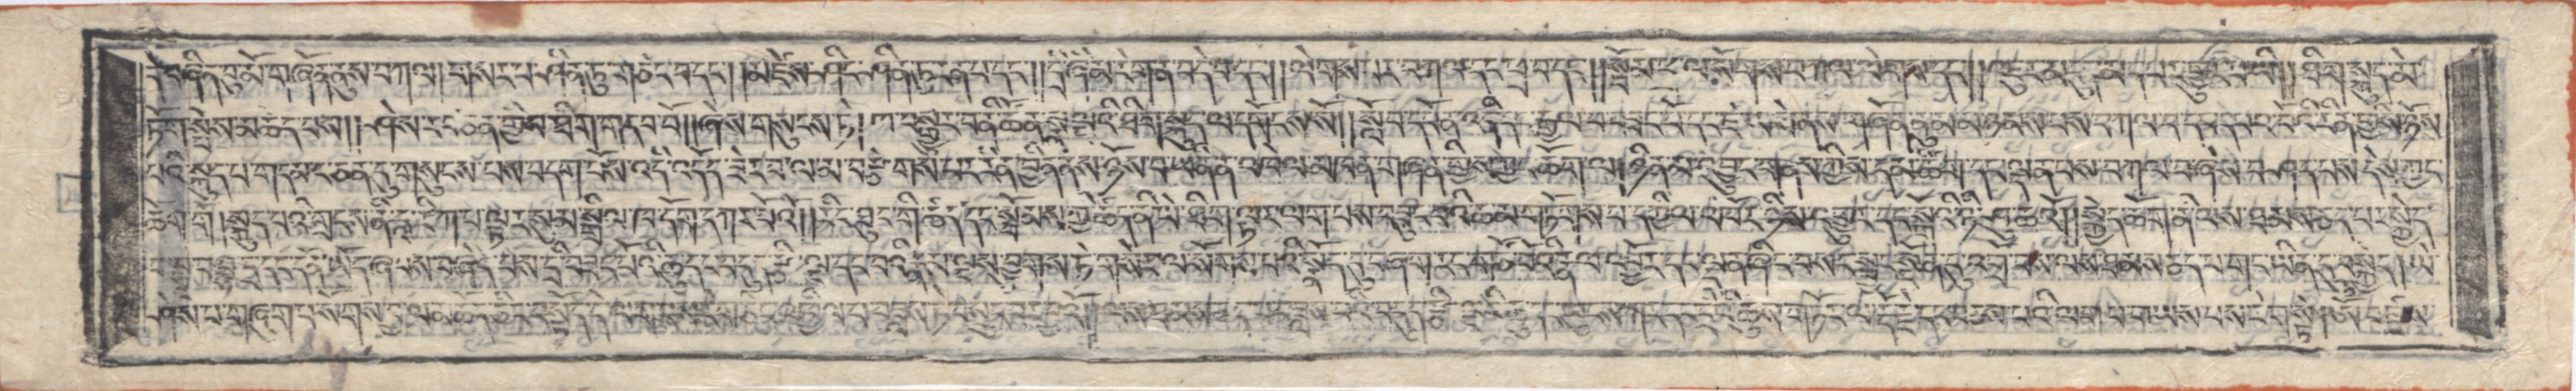དེ་བཞིན་བུ་མོ་གཞོན་ནུས་བཀལ། གསར་པ་ཤིན་ཏུ་གཙང་བ་དང་། །མཛེས་ཤིང་ཤིན་ཏུ་རན་པ་དང་། །དྲི་ཞིམ་རེག་ན་བདེ་བ་དང་། །ལེགས་པར་བཀལ་དང་ཕྲ་བ་དང་། །སྦོམ་ཕྲ་ལ་སོགས་བཀལ་ལེགས་དང་། །འཇུར་མདུད་མེད་པར་གྱུར་པ་ཡི། །ཐིག་སྐུད་མེ་
ཏོག་སྤེས་མཆེད་པས། །ཤེས་རབ་ཅན་གྱིས་ཐིག་གདབ་བོ། །ཞེས་གསུངས་ཏེ། ཁ་བསྒྱུར་བ་ནི་ཚོན་སྣ་ལྔའི་ཐིག་སྐུད་ལ་དགོངས་སོ། །སློབ་དཔོན་འདི་དང་རྒྱལ་བ་བཟང་པོ་དང་ཛ་ཡ་སེ་ནས་གཞོན་ནུ་མ་མ་ཉམས་པས་བཀལ་བ་དང་དཔའ་བོའི་རིན་གྱིས་ཉོས་
པའི་སྐུད་པ་གདམ་ང་ཅན་དུ་གསུངས་པས་བདག་པོས་འདི་འདོད་ཟེར་བ་ལ་མ་བརྩེགས་པར་རིན་བྱིན་ནས་ཉོས་བ་ཡིན་ན་འཁེལ་མཁན་གཞན་གྱིས་ཀྱང་ཆོག་ལ། ཉིན་མ་འབྱུང་གནས་ཀྱིས་དམ་ཚིག་དང་ལྡན་པས་བཀལ་བ་ཞེས་བཤད་པས་དེས་ཀྱང་
ཆོག་གོ །སྐུད་པའི་གྲངས་ནི་དཱ་རི་ཀ་པ་ལྟར་སུམ་སྒྲིལ་ཁ་དོག་དཀར་པོའོ། །རིང་ཐུང་གི་ཚད་དང་སྦོམས་ཀྱི་ཚད་ནི་ཡེ་ཐིག་ལྟར་ལག་པས་བཟུང་བའི་ཆ་མ་གཏོགས་པ་དཀྱིལ་འཁོར་ཉིས་འགྱུར་དང་སྒོའི་ཉི་ཤུ་ཆའོ། །སྐྱེད་ཆོག་ནི་ལས་ཐམས་ཅད་པར་སྐྱེད་
པ་བྷཱ་བ་བྷ་དྲ་དང་དོན་ཡོད་ཞབས་བཞེད་པས་དྲི་བཟང་པོའི་ཆུ་དང་བདུད་རྩི་ལྔ་དང་བའི་རྣམ་ལྔས་བྱུགས་ཏེ་གསེར་ལ་སོགས་པའི་སྣོད་དུ་བཞག་རང་གཙོ་བོའི་རྣལ་འབྱོར་དང་ལྡན་ཞིང་བསང་སྦྱང་སྔོན་དུ་འགྲོ་བས་ལས་ཐམས་ཅད་པ་གང་ཡིན་དུ་བསྐྱེད། ཡེ་
ཤེས་པ་གཞུག་པ་སོགས་བྱ་ལ་མཆོད་ཅིང་བསྟོད་དེ་ལག་པས་རེག་ཅིང་འཁྱིལ་པ་བཟླས་ཏེ་བསྲུང་བར་བྱའོ། །ལས་ཐམས་ཅད་པ་བཟླས་པའི་བདུད་རྩི་ལྔའི་ཆུ་དང་ཡུངས་ཀར་དང་དྲིའི་ཆུས་གཏོར་ལ་རྡོ་རྗེ་དང་བཅས་པའི་ལག་པ་གཡས་པས་རེག་སྟེ། ཨོཾ་བཛྲ་ས་